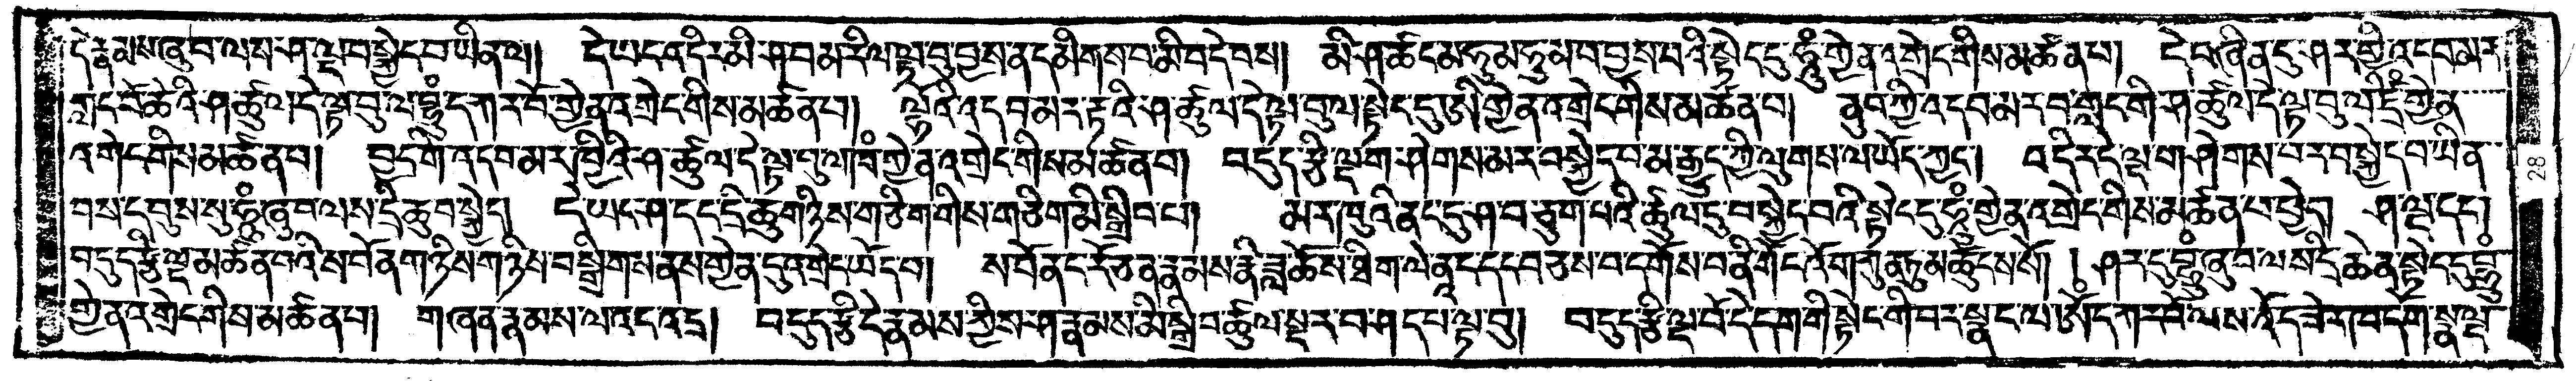དེ་རྣམས་ཞུ་བ་ལས་ཤ་ལྔ་བསྐྱེད་བ་ཡིན་ལ། དེ་ཡང་འདིར་མི་ཤ་བམ་རིལ་ལྟ་བུ་བྱས་ན་དམིགས་བ་མི་བདེ་བས། མི་ཤ་ཚང་མཧུ་མཧུ་མ་བ་བྱས་པའི་སྟེང་དུ་ཧཱུཾ་གྱེན་འགྲེང་གིས་མཚན་པ། དེ་བཞིན་དུ་ཤར་གྱི་འདབ་མར་
གླང་པོ་ཆེའི་ཤ་ཚུལ་དེ་ལྟ་བུ་ལ་བྷྲུཾ་དཀར་བོ་གྱེན་འགྲེང་གིས་མཚན་པ། ལྷོའི་འདབ་མར་རྟའི་ཤ་ཚུལ་དེ་ལྟ་བུ་ལ་སྟེང་དུ་ཨི་གྱེན་འགྲེང་གིས་མཚན་པ། ནུབ་ཀྱི་འདབ་མར་བ་གླང་གི་ཤ་ཚུལ་དེ་ལྟ་བུ་ལ་ཛྲིཾ་གྱེན་
འགེང་གིས་མཚན་པ། བྱང་གི་འདབ་མར་ཁྱིའི་ཤ་ཚུལ་དེ་ལྟ་བུ་ལ་ཁཾ་གྱེན་འགྲེང་གིས་མཚན་པ། བདུད་རྩི་ལྔ་གཤེགས་མར་བསྐྱེད་པ་མ་རྒྱུད་ཀྱི་ལུགས་ལ་ཡོད་ཀྱང་། འདིར་དེ་ལྔ་གཤེགས་པར་བསྐྱེད་བ་ཡིན་
བས་དབུས་སུ་ཧཱུཾ་ཞུ་བ་ལས་དྲི་ཆུ་བསྐྱེད། དེ་ཡང་ཤ་དང་དྲི་ཆུ་གཉིས་གཅིག་གིས་གཅིག་མི་སྒྲིབ་པ། མར་ཁུའི་ནང་དུ་ཤ་བ་ཅུག་པའི་ཚུལ་དུ་བསྐྱེད་བའི་སྟེང་དུ་ཧཱུཾ་གྱེན་འགྲེང་གིས་མཚན་པ་བྱེད། ཤ་ལྔ་དང་།
བདུད་རྩི་ལྔ་མཚན་བའི་ས་བོན་གཉིས་གཉིས་བསྒྲིགས་ནས་གྱེན་དུ་འགྲེང་ཡོད་པ། ས་བོན་ང་རོ་ཅན་རྣམས་ནི་ཟླ་ཆོས་ཐིག་ལེ་ནཱ་ད་དང་བཅས་བ་དགོས་བ་ནི་གོང་འོག་ཀུན་ཏུ་མཚུངས་སོ། །ཤར་དུ་བྷྲུཾ་ཞུ་བ་ལས་དྲི་ཆེན་སྟེང་དུ་བྷྲུཾ་
གྱེན་འགྲེང་གིས་མཚན་པ། གཞན་རྣམས་ལའང་འདྲ། བདུད་རྩི་དེ་རྣམས་ཀྱིས་ཤ་རྣམས་མི་སྒྲིབ་ཚུལ་སྔར་བཤད་པ་ལྟ་བུ། བདུད་རྩི་ལྔ་པོ་དེ་དག་གི་སྟེང་གི་བར་སྣང་ལ་ཨོཾ་དཀར་བོ་ལས་འོད་ཟེར་ཁ་དོག་སྣ་ལྔ་